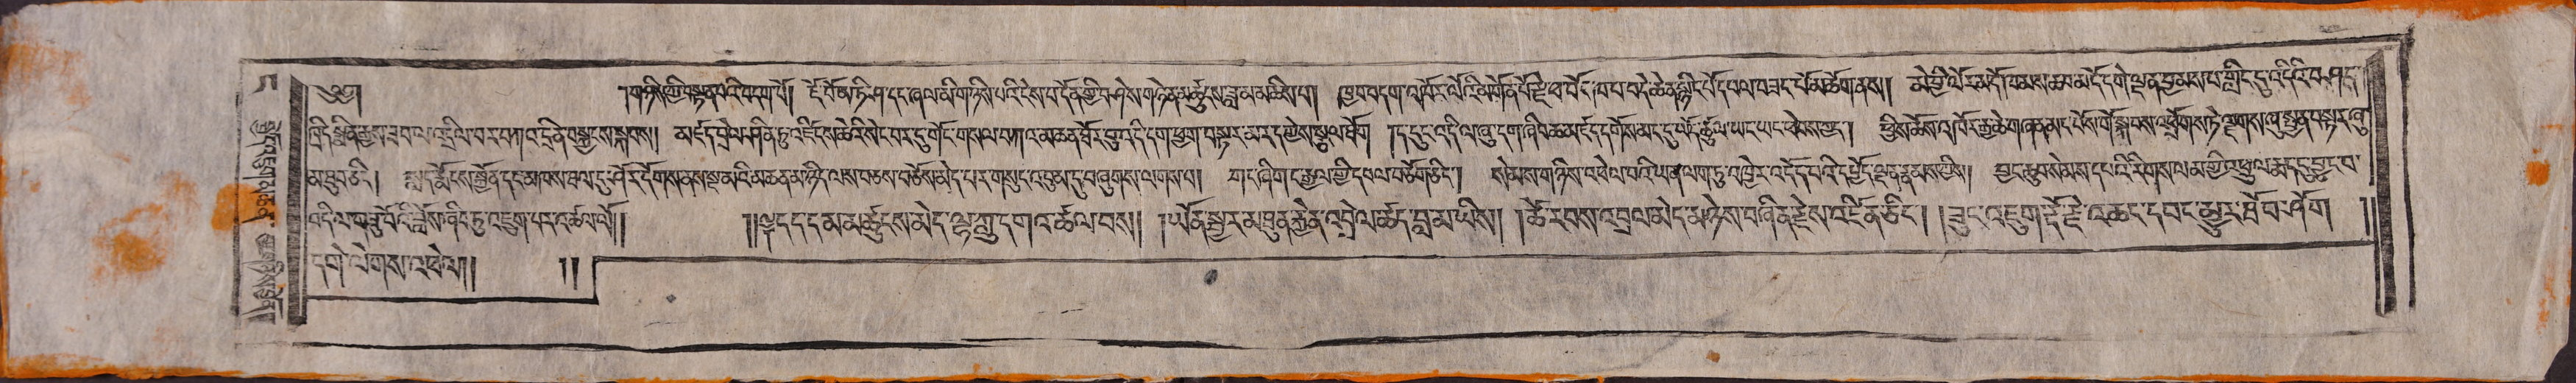༄༅། །གཉིས་གྱི་བསྟན་པའི་བདག་པོ། རྔོ་བོ་ཨ་ཏི་ཤ་དང་ཞལ་མི་གཉིས་པའི་ངེས་པ་དོན་གྱི་བཤེས་གཉེན་མཚུངས་ཟླ་མ་མཆིས་པ། ཁྱབ་བདག་འཁོར་ལོའི་མགོན་པོ་རྗེ་ཕ་བོང་ཁ་པ་བདེ་ཆེན་སྙིང་པོ་དཔལ་བཟང་པོ་མཆོག་ནས། མེ་བྱི་ལོར་མདོ་ཁམས་ཆབ་མདོ་དགེ་ལྡན་བྱམས་པ་གླིང་དུ་འདིའི་བཤད་
ཁྲིད་སྨིན་རྒྱས་ཟབ་ལ་འདྲིལ་བར་བཀའ་དྲིན་བསྐྱངས་སྐབས། མཛད་བྲེལ་ཤིན་ཏུ་འཛིངས་ཆེའི་སེང་བར་དུ་གོང་གསལ་བཀའ་མཆན་ཐོར་བུ་འདི་དག་ཕྱག་བསྟར་མར་དགྱེས་སྩལ་ཐོག །ད་དུང་འདི་ལ་ཞུ་དག་ཞིབ་ཚ་མཛད་དགོས་མང་དུ་ཡོད་ཚུལ་ཡང་ཡང་ཕེབས་ཀྱང་། ཕྱིས་ཆོས་འཁོར་རྒྱ་ཆེ་གཞན་མང་པོས་གོ་སྐབས་འཕྲོགས་ཏེ་ལྗགས་ཞུ་སྤྱན་བསྟར་ཞུ་
མ་ཐུབ་ཅིང་། སླད་རྨོངས་སྐྱོན་དང་མཁས་ཐལ་དུ་ཤོར་དགོས་ནས་སྔ་མའི་མཆན་མ་ཉིད་ལས་བཅས་བཅོས་མེད་པར་གསུང་འབུམ་དུ་བཞུགས་ལགས་པ། གང་ཞིག་ང་རྒྱལ་གྱི་དཔལ་བཅོག་ཅིང་། སེམས་གཉིས་འཕེལ་པའི་ཡན་ལག་ཏུ་འཁྱེར་འདོད་པའི་དཔྱོད་ལྡན་རྣམས་ཀྱིས། བྱང་ཆུབ་སེམས་དཔའི་རིགས་ལམ་གྱི་འཕྲུལ་རྨད་དུ་བྱུང་བ་
འདི་ལ་གཟུ་བོའི་བློས་ཞིབ་ཏུ་འཇུག་པར་འཚལ་ལོ།། །།༈ དད་དམ་མཚུངས་མེད་ལྷ་ཀླུ་དགའ་ཚལ་བས། །ཡོན་སྦྱར་མཐུན་རྐྱེན་འབྲེལ་ཚད་བླ་མ་ཡིས། །ཚེ་རབས་འབྲལ་མེད་མཉེས་བཞིན་རྗེས་འཛིན་ཅིང་། །ཟུང་འཇུག་རྡོ་རྗེ་འཆང་དབང་མྱུར་ཐོབ་ཤོག །
དགེ་ལེགས་འཕེལ།། །།